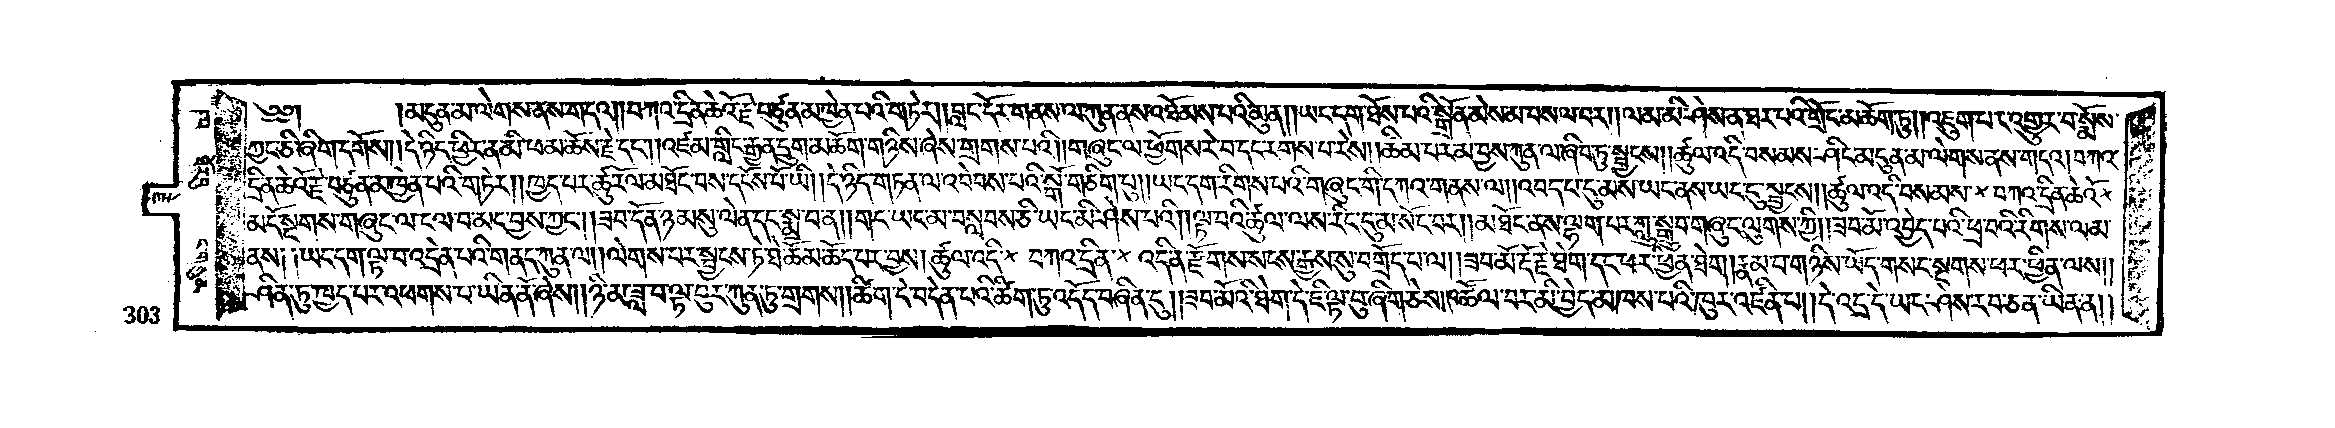༄༅། །མདུན་མ་ལེགས་ནས་གདའ། །བཀའ་དྲིན་ཆེའོ་རྗེ་བཙུན་མཁྱེན་པའི་གཏེར། །བླང་དོར་གནས་ལ་ཀུན་ནས་འཐོམས་པའི་མུན། །ཡང་དག་ཐོས་པའི་སྒྲོན་མེས་མ་བསལ་བར། །ལམ་མི་ཤེས་ན་ཐར་པའི་གྲོང་མཆོག་ཏུ། །འཇུག་པར་འགྱུར་བ་སྨོས་
ཀྱང་ཅི་ཞིག་དགོས། །དེ་ཉིད་ཕྱིར་ན་མི་ཕམ་ཆོས་རྗེ་དང་། །འཛམ་གླིང་རྒྱན་དྲུག་མཆོག་གཉིས་ཞེས་གྲགས་པའི། །གཞུང་ལ་ཕྱོགས་རེ་བ་དང་རགས་པ་རེས། །ཚིམ་པར་མ་བྱས་ཀུན་ལ་ཞིབ་ཏུ་སྦྱངས། །ཚུལ་འདི་བསམས་ཤིང་མདུན་མ་ལེགས་ནས་གདའ། བཀའ་
དྲིན་ཆེའོ་རྗེ་བཙུན་མཁྱེན་པའི་གཏེར། །ཁྱད་པར་ཚུ་རོལ་མཐོང་བས་དངོས་པོ་ཡི། །དེ་ཉིད་གཏན་ལ་འབེབས་པའི་སྒོ་གཅིག་པུ། །ཡང་དག་རིགས་པའི་གཞུང་གི་དཀའ་གནས་ལ། །འབད་པ་དུ་མས་ཡང་ནས་ཡང་ནས་དུ་སྦྱངས། །ཚུལ་འདི་བསམས་྾་བཀའ་དྲིན་ཆེའོ་྾་
མདོ་སྔགས་གཞུང་ལ་ངལ་བ་མང་བྱས་ཀྱང་། །ཟབ་དོན་ཉམས་སུ་ལེན་དང་སྨྲ་བ་ན། །གང་ཡང་མ་བསླབས་ཅི་ཡང་མི་ཤེས་པའི། །ལྟ་བའི་ཚུལ་ལས་རིང་དུ་མ་སོང་བར། །མཐོང་ནས་ལྷག་པར་ཀླུ་སྒྲུབ་གཞུང་ལུགས་ཀྱི། །ཟབ་མོ་འབྱེད་པའི་ཕྲ་བའི་རིགས་ལམ་
ནས༑ ༑ཡང་དག་ལྟ་བ་འདྲེན་པའི་གནད་ཀུན་ལ། །ལེགས་པར་སྦྱངས་ཏེ་ཐེ་ཚོམ་ཆོད་པར་བྱས། ཚུལ་འདི་྾་བཀའ་དྲིན་྾་འདི་ན་རྫོགས་སངས་རྒྱས་སུ་བགྲོད་པ་ལ། །ཟབ་མོ་རྡོ་རྗེ་ཐེག་དང་ཕར་ཕྱིན་ཐེག །རྣམ་པ་གཉིས་ཡོད་གསང་སྔགས་ཕར་ཕྱིན་ལས།།
ཤིན་ཏུ་ཁྱད་པར་འཕགས་པ་ཡིན་ནོ་ཞེས། །ཉི་མ་ཟླ་བ་ལྟ་བུར་ཀུན་ཏུ་གྲགས། །ཚིག་དེ་བདེན་པའི་ཚིག་ཏུ་འདོད་བཞིན་དུ། །ཟབ་མོའི་ཐེག་དེ་ཇི་ལྟ་བུ་ཞིག་ཅེས། །འཚོལ་བར་མི་བྱེད་མཁས་པའི་ཁུར་འཛིན་པ། །དེ་འདྲ་དེ་ཡང་ཤེས་རབ་ཅན་ཡིན་ན།།